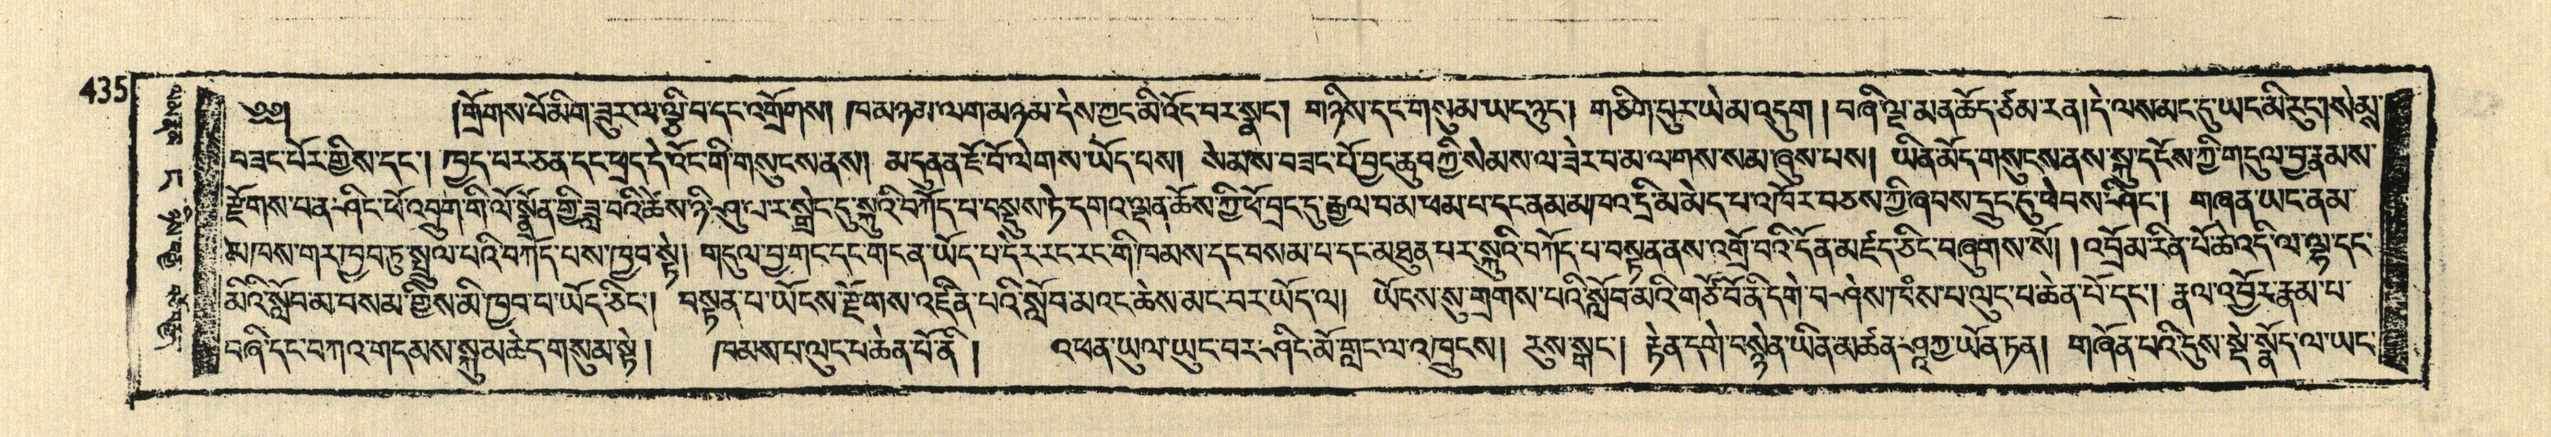༄༅། །གྲོགས་པོ་མིག་ཟུར་ལ་ལྕི་བ་དང་འགྲོགས། ཁ་མཉམ་ལག་མཉམ་དེས་ཀྱང་མི་འོང་བར་སྣང་། གཉིས་དང་གསུམ་ཡང་ཉུང་། གཅིག་པུར་ཡེ་མ་འདུག །བཞི་ལྔ་མན་ཆོད་ཙམ་རན། དེ་ལས་མང་དུ་ཡང་མི་རུང་། སེམས་
བཟང་པོར་གྱིས་དང་། ཁྱད་པར་ཅན་དང་ཕྲད་དེ་འོང་གི་གསུངས་ནས། མདུན་ན་ཇོ་བོ་ལེགས་ཡོད་པས། སེམས་བཟང་པོ་བྱང་ཆུབ་ཀྱི་སེམས་ལ་ཟེར་བ་མ་ལགས་སམ་ཞུས་པས། ཡིན་མོད་གསུངས་ནས་སྐུ་དངོས་ཀྱི་གདུལ་བྱ་རྣམས་
རྫོགས་པ་ན་ཤིང་ཕོ་འབྲུག་གི་ལོ་སྣོན་གྱི་ཟླ་བའི་ཚེས་ཉི་ཤུ་ལ་ར་སྒྲེང་དུ་སྐུའི་བཀོད་པ་བསྡུས་ཏེ་དགའ་ལྡན་ཆོས་ཀྱི་ཕོ་བྲང་དུ་རྒྱལ་བ་མ་ཕམ་པ་དང་ནམ་མཁའ་དྲི་མ་མེད་པ་འཁོར་བཅས་ཀྱི་ཞབས་དྲུང་དུ་ཕེབས་ཤིང་། གཞན་ཡང་ནམ་
མཁས་གར་ཁྱབ་ཏུ་སྤྲུལ་པའི་བཀོད་པས་ཁྱབ་སྟེ། གདུལ་བྱ་གང་དང་གང་ན་ཡོད་པ་དེར་རང་རང་གི་ཁམས་དང་བསམ་པ་དང་མཐུན་པར་སྐུའི་བཀོད་པ་བསྟན་ནས་འགྲོ་བའི་དོན་མཛད་ཅིང་བཞུགས་སོ། །འབྲོམ་རིན་པོ་ཆེ་འདི་ལ་ལྷ་དང་
མིའི་སློབ་མ་བསམ་གྱིས་མི་ཁྱབ་པ་ཡོད་ཅིང་། བསྟན་པ་ཡོངས་རྫོགས་འཛིན་པའི་སློབ་མའང་ཆེས་མང་བར་ཡོད་ལ། ཡོངས་སུ་གྲགས་པའི་སློབ་མའི་གཙོ་བོ་ནི་དགེ་བཤེས་ཁཾས་པ་ལུང་པ་ཆེན་པོ་དང་། རྣལ་འབྱོར་རྣམ་པ་
བཞི་དང་བཀའ་གདམས་སྐུ་མཆེད་གསུམ་སྟེ། ཁམས་པ་ལུང་པ་ཆེན་པོ་ནི། འཕན་ཡུལ་ཡུང་བར་ཤིང་མོ་གླང་ལ་འཁྲུངས། རུས་སྒང་། རྟེན་དགེ་བསྙེན་ཡིན་མཚན་ཤཱཀྱ་ཡོན་ཏན། གཞོན་པའི་དུས་སྡེ་སྣོད་ལ་ཡང་